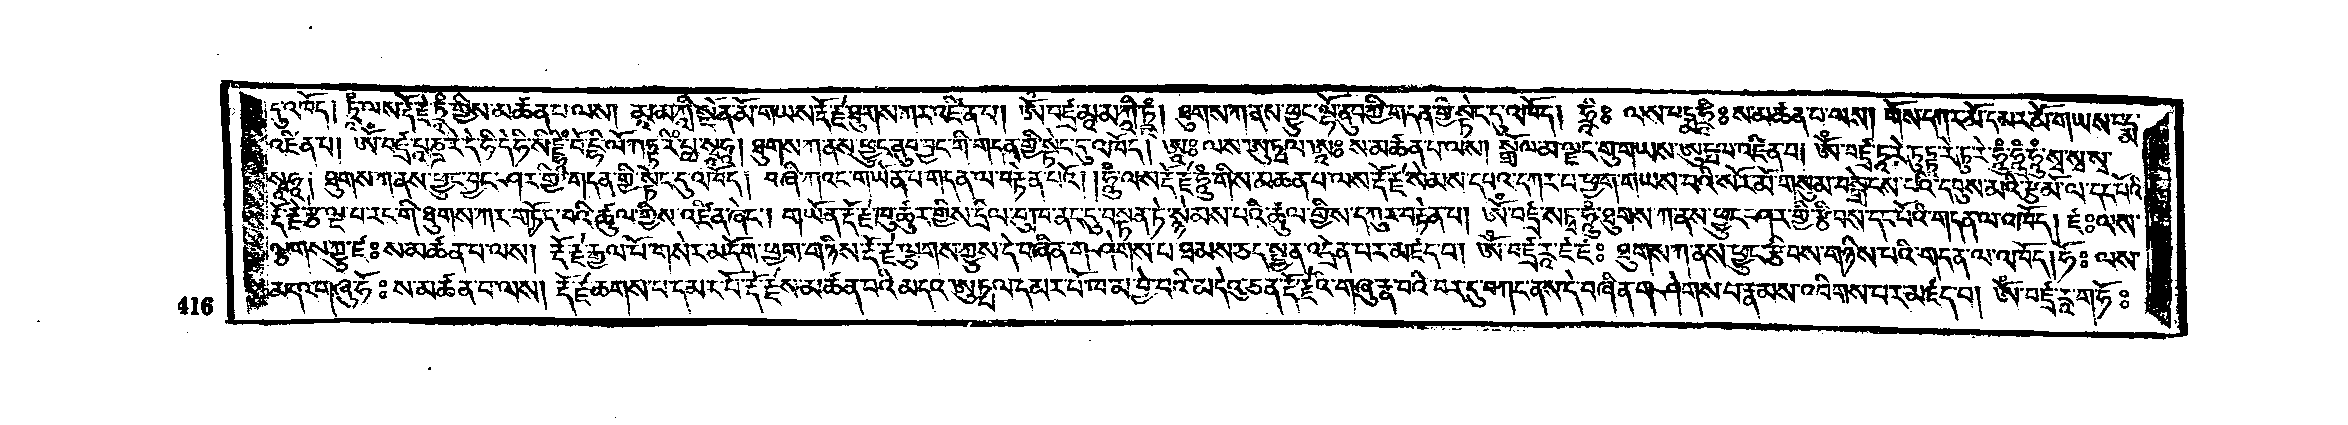དུ་འཁོད། ཏྲཱཾ་ལས་རྡོ་རྗེ་ཏྲཱཾ་གྱིས་མཚན་པ་ལས། མཱ་མ་ཀཱི་སྔོན་མོ་གཡས་རྡོ་རྗེ་ཐུགས་ཀར་འཛིན་པ། ཨོཾ་བཛྲ་མཱ་མ་ཀཱི་ཏྲཱཾ། ཐུགས་ཀ་ནས་ཕྱུང་ལྷོ་ནུབ་ཀྱི་གདན་གྱི་སྟེང་དུ་འཁོད། ཧྲཱིཿ ལས་པདམ་ཧྲཱིཿ ས་མཚན་པ་ལས། གོས་དཀར་མོ་དམར་མོ་གཡས་པདམ་
འཛིན་པ། ཨོཾ་བཛྲ་པཱཎྜ་རེ་དེ་ཧི་དེ་ཧི་སིདྡྷཱིཾ་བོ་དྷི་ལོ་ཀོཏྟ་རིཾ་པཱ་སྭཱཧཱ། ཐུགས་ཀ་ནས་ཕྱུང་ནུབ་བྱང་གི་གདན་གྱི་སྟེང་དུ་འཁོད། ཨཱཿ ལས་ཨུཏྤལ་ཨཱཿ ས་མཚན་པ་ལས། སྒྲོལ་མ་ལྗང་གུ་གཡས་ཨུཏྤལ་འཛིན་པ། ཨོཾ་བཛྲ་ཏཱ་རེ་ཏུ་ཏྟཱ་རེ་ཏུ་རེ་ཧཱུཾ་ཧཱུཾ་ཧཱུཾ་སྭ་སྭ་སྭ་
སྭཱཧཱ། ཐུགས་ཀ་ནས་ཕྱུང་བྱང་ཤར་གྱི་གདན་གྱི་སྟེང་དུ་འཁོད། བཞི་ཀའང་གཡོན་པ་གདན་ལ་བརྟེན་པའོ། །ཧཱུཾ་ལས་རྡོ་རྗེ་ཧཱུཾ་གིས་མཚན་པ་ལས་རྡོ་རྗེ་སེམས་དཔའ་དཀར་པོ་ཕྱག་གཡས་པའི་སོར་མོ་གསུམ་བསྒྲེངས་པའི་དབུས་མའི་རྩེ་མོ་ལ་དང་པོའི་
རྡོ་རྗེ་རྩེ་ལྔ་པ་རང་གི་ཐུགས་ཀར་གཏོད་པའི་ཚུལ་གྱིས་འཛིན་ཞེང་། གཡོན་རྡོ་རྗེ་ཁུ་ཚུར་གྱིས་དྲིལ་བུ་ཁ་ནང་དུ་བསྟན་ཏེ་སྙེམས་པའི་ཚུལ་གྱིས་དཀུར་བརྟེན་པ། ཨོཾ་བཛྲ་སཏྭ་ཧཱུཾ་ཐུགས་ཀ་ནས་ཕྱུང་ཤར་གྱི་རྩིབས་དང་པོའི་གདན་ལ་འཁོད། ཛཿ ལས་
ལྕགས་ཀྱུ་ཛཿ ས་མཚན་པ་ལས། རྡོ་རྗེ་རྒྱལ་པོ་གསེར་མདོག་ཕྱག་གཉིས་རྡོ་རྗེ་ལྕགས་ཀྱུས་དེ་བཞིན་གཤེགས་པ་ཐམས་ཅད་སྤྱན་འདྲེན་པར་མཛད་པ། ཨོཾ་བཛྲ་རཱ་ཛ་ཛཿ ཐུགས་ཀ་ནས་ཕྱུང་རྩིབས་གཉིས་པའི་གདན་ལ་འཁོད། ཧོཿ ལས་
མདའ་གཞུ་ཧོཿ ས་མཚན་པ་ལས། རྡོ་རྗེ་ཆགས་པ་དམར་པོ་རྡོ་རྗེ་མཚན་པའི་མདའ་ཨུཏྤལ་དམར་པོ་ཁ་མ་བྱེ་བའི་མདེའུ་ཅན་རྡོ་རྗེའི་གཞུ་རྣ་བའི་བར་དུ་བཀང་ནས་དེ་བཞིན་གཤེགས་པ་རྣམས་འབིགས་པར་མཛད་པ། ཨོཾ་བཛྲ་རཱ་ག་ཧོཿ ཕ༹་